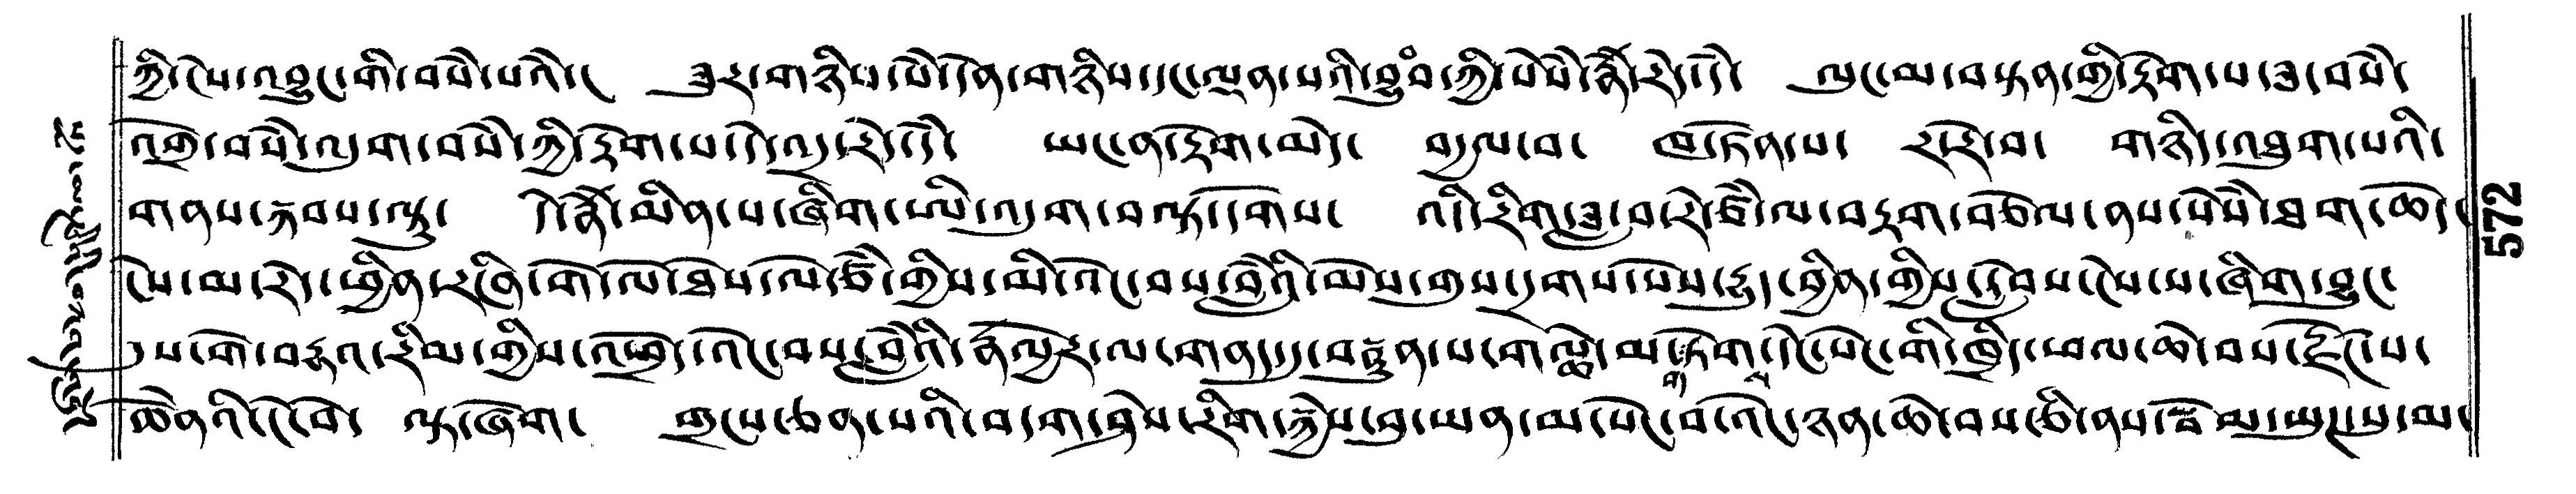ཀྱི་ངེས་འབྱུང་གི་བསམ་པའམ། ཟུར་གཉིས་སམ་དོན་གཉིས་དང་ལྡན་པའི་བྱང་ཆུབ་ཀྱི་སེམས་རྣམས་རེད་དམ། ལུང་མ་བསྟན་གྱི་རྟོག་པ་ཟ་བསམ་
འགྲོ་བསམ་འདུག་བསམ་གྱི་རྟོག་པ་དེ་འདྲ་རེད་དམ། ཡང་ན་རྟོག་མེད། བརྒྱལ་བ། ཁ་ཧོན་པ། ར་རོ་བ། གཉིད་འཐུག་པའི་
གནས་སྐབས་ལྟ་བུ། དེ་རྣམས་མིན་པ་ཞིག་ཨི་འདུག་བལྟ་དགོས། འདི་རིགས་ཟླ་བ་རེ་ཙམ་ལ་བརྟག་བཅོལ་ནས་སེམས་ཐག་ཆོད་
ངེས་མ་རེད་ཕྱིན་རང་བཞིན་གོ་ལོ་ཐོས་ལོ་ཙམ་གྱིས་མི་འོང་བས་བླ་མར་མོས་གུས་དྲག་པོ་རྒྱུད་བྱིན་གྱིས་རློབ་ངེས་པ་ཞིག་བྱུང་
དུས་གོ་བརྡའ་རིམ་གྱིས་འཕྲོད་འོང་བས་བླ་མའི་རྣལ་འབྱོར་ལ་གནད་དུ་བསྣུན་པ་གལ་ཆེ་མ་གཏོགས་དེང་སང་གི་ཁྲིད་ཕལ་ཆེ་བས་རྫོགས་པ་
ཆེན་པོའི་ངོ་བོ་ལྟ་ཞོག གྲངས་ཅན་པའི་བདག་ཤེས་རིག་གི་སྐྱེས་བུ་ཡན་མ་སོང་བ་འོང་ཉན་ཆེ་བས་ཅི་ནས་སྦོམ་ཡུགས་སུ་མ་